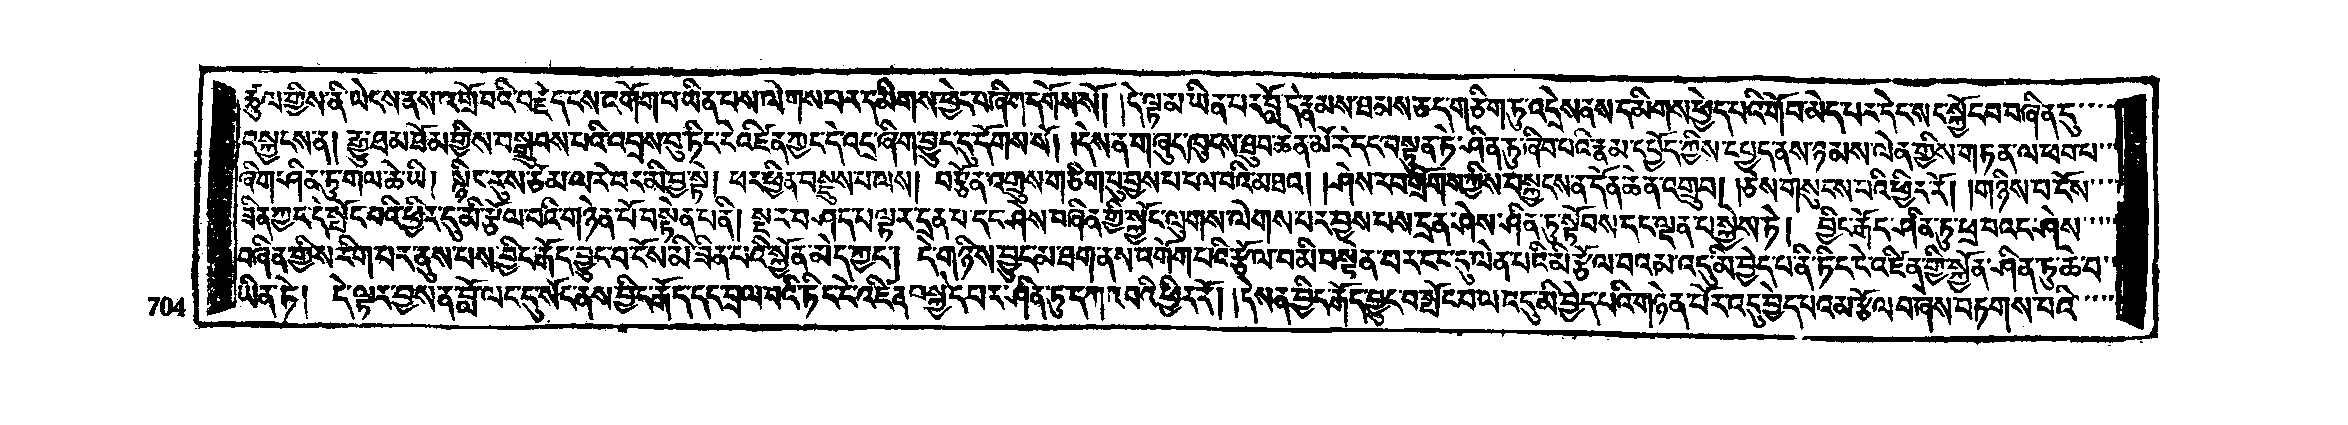ཚུལ་གྱིས་ནི་ཡེངས་ནས་འགྲོ་བའི་བརྗེད་ངས་འགོག་པ་ཡིན་པས་ལེགས་པར་དམིགས་ཕྱེད་པ་ཞིག་དགོས་སོ། །དེ་ལྟ་མ་ཡིན་པར་བློ་དེ་རྣམས་ཐམས་ཅད་གཅིག་ཏུ་འདྲེས་ནས་དམིགས་ཕྱེད་པའི་གོ་བ་མེད་པར་དེང་སང་སྐྱོང་བ་བཞིན་དུ་
བསྐྱངས་ན། རྒྱུ་ཐམ་ཐོམ་གྱིས་བསྒྲུབས་པའི་འབྲས་བུ་ཏིང་ངེ་འཛིན་ཀྱང་དེ་འདྲ་ཞིག་བྱུང་དུ་དོགས་སོ། །དེས་ན་གཞུང་ཁུངས་ཐུབ་ཆེན་མོ་རེ་དང་བསྟུན་ཏེ་ཤིན་ཏུ་ཞིབ་པའི་རྣམ་དཔྱོད་ཀྱིས་དཔྱད་ནས་ཉམས་ལེན་གྱིས་གཏན་ལ་ཕབ་པ་
ཞིག་ཤིན་ཏུ་གལ་ཆེ་ཡི། སྙིང་རུས་ཙམ་ལ་རེ་བར་མི་བྱ་སྟེ། ཕར་ཕྱིན་བསྡུས་པ་ལས། བརྩོན་འགྲུས་གཅིག་པུ་བྱས་པ་ངལ་བའི་མཐའ། །ཤེས་རབ་གྲོགས་ཀྱིས་བསྐྱངས་ན་དོན་ཆེན་འགྲུབ། །ཅེས་གསུངས་པའི་ཕྱིར་རོ། །གཉིས་པ་ངོས་
ཟིན་ཀྱང་དེ་སྤོང་བའི་ཕྱིར་དུ་མི་རྩོལ་བའི་གཉེན་པོ་བསྟེན་པ་ནི། སྔར་བཤད་པ་ལྟར་དྲན་པ་དང་ཤེས་བཞིན་གྱི་སྐྱོང་ལུགས་ལེགས་པར་བྱས་པས་དྲན་ཤེས་ཤིན་ཏུ་སྟོབས་དང་ལྡན་པ་སྐྱེས་ཏེ། བྱིང་རྒོད་ཤིན་ཏུ་ཕྲ་བའང་ཤེས་
བཞིན་གྱིས་རིག་པར་ནུས་པས་བྱིང་རྒོད་བྱུང་བ་ངོས་མི་ཟིན་པའི་སྐྱོན་མེད་ཀྱང་། དེ་གཉིས་བྱུང་མ་ཐག་ནས་འགོག་པའི་རྩོལ་བ་མི་བསྟེན་པར་དང་དུ་ལེན་པའི་མི་རྩོལ་བའམ་འདུ་མི་བྱེད་པ་ནི་ཏིང་ངེ་འཛིན་གྱི་སྐྱོན་ཤིན་ཏུ་ཆེ་བ་
ཡིན་ཏེ། དེ་ལྟར་བྱས་ན་བློ་ལང་དུ་སོང་ནས་བྱིང་རྒོད་དང་བྲལ་བའི་ཏིང་ངེ་འཛིན་བསྐྱེད་པར་ཤིན་ཏུ་དཀའ་བའི་ཕྱིར་རོ། །དེས་ན་བྱིང་རྒོད་བྱུང་བ་སྤོང་བ་ལ་འདུ་མི་བྱེད་པའི་གཉེན་པོར་འདུ་བྱེད་པའམ་རྩོལ་བ་ཞེས་བཏགས་པའི་